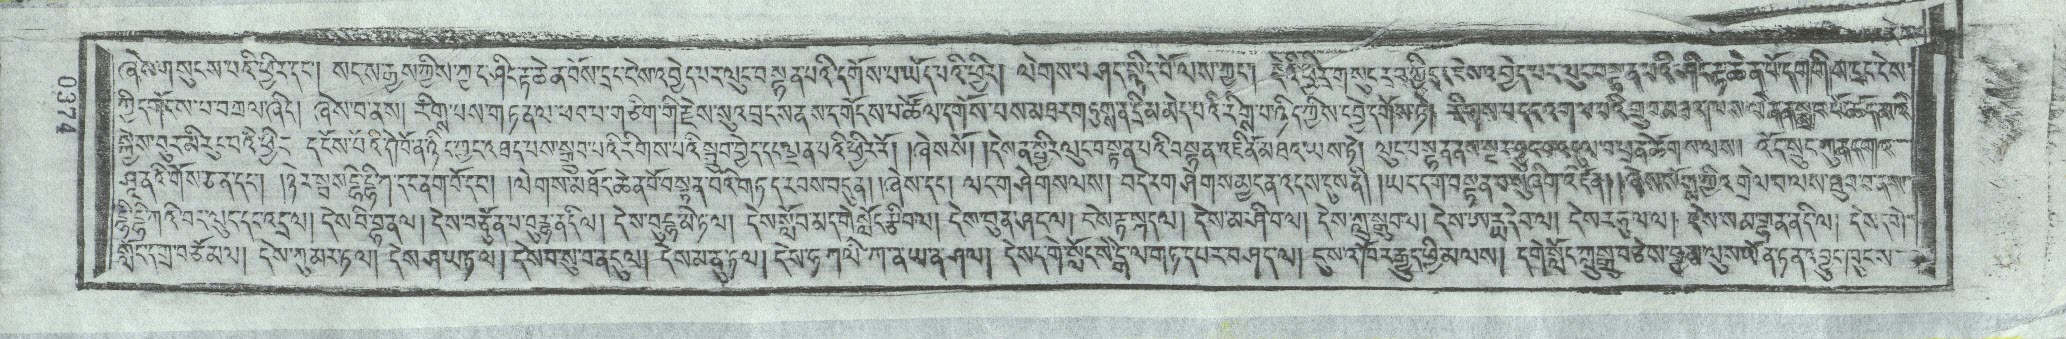ཞེས་གསུངས་པའི་ཕྱིར་དང་། སངས་རྒྱས་ཀྱིས་ཀྱང་ཤིང་རྟ་ཆེན་པོས་དྲང་ངེས་འབྱེད་པར་ལུང་བསྟན་པའི་དགོས་པ་ཡོད་པའི་ཕྱིར། ལེགས་བཤད་སྙིང་པོ་ལས་ཀྱང་། དེའི་ཕྱིར་གསུང་རབ་ཀྱིས་དྲང་ངེས་འབྱེད་པར་ལུང་བསྟན་པའི་ཤིང་རྟ་ཆེན་པོ་དག་གིས་དྲང་ངེས་
ཀྱི་དགོངས་པ་བཀྲལ་ཞིང་། ཞེས་པ་ནས། རིགས་པས་གཏན་ལ་ཕབ་པ་གཅིག་གི་རྗེས་སུ་འབྲངས་ནས་དགོངས་པ་ཚོལ་དགོས་པས་མཐར་གཏུགས་ན་དྲི་མ་མེད་པའི་རིགས་པ་ཉིད་ཀྱིས་དབྱེ་དགོས་ཏེ། རིགས་པ་དང་འགལ་པའི་གྲུབ་མཐའ་ཁས་ལེན་ན་སྨྲ་པོ་ཚད་མའི་
སྐྱེས་བུར་མི་རུང་བའི་ཕྱིར། དངོས་པོའི་དེ་ཁོ་ན་ཉིད་ཀྱང་འཐད་པས་སྒྲུབ་པའི་རིགས་པའི་སྒྲུབ་བྱེད་དང་ལྡན་པའི་ཕྱིར་རོ། །ཞེས་སོ། །དེས་ན་སྤྱིར་ལུང་བསྟན་པའི་བསྟན་འཛིན་མཐའ་ཡས་ཏེ། ལུང་བསྟན་ནས་སྔར་བྱུང་བ་འདུལ་བ་ཕྲན་ཚོགས་ལས། འོང་སྲུང་ཀུན་དགའ་
ཤའ་ནའི་གོས་ཅན་དང་། ཉེར་སྤས་སིང་དྷི་ཀ་དང་ནག་པོ་དང་། ལེགས་མཐོང་ཆེན་པོ་བསྟན་པའི་གཏད་རབས་བདུན། །ཞེས་དང་། ལང་ཤེས་ལས། བདེར་གཤེགས་མྱང་ན་འདས་དུས་ནི། །ཡང་དག་བསྟན་པ་སུ་ཟིང་འཛིན། ཞེས་སོགས་ཀྱིས་འགྲེལ་པ་ལས་ཐུབ་པ་ནས་
དྷི་དྷི་ཀའི་བར་ལུང་དང་འདྲ་ལ། དེས་བི་བྷ་ནལ། དེས་བཙོན་པ་བུ་རྒན་དིལ། དེས་བུདྷ་མེ་ཏ་ལ། དེས་སློབ་མད་གེ་སློང་རྩི་པ་ལ། དེས་བུན་ཤང་ལ། ངེས་རྟ་སྐད་ལ། དེས་མ་ཤི་བ་ལ། དེས་ཀླུ་སྒྲུབ་པ། དེས་ཨརྱ་དེབ་ལ། དེས་ར་ཧུལ་ལ། དེས་སམ་གྷན་ན་དེ་ལ། དེས་དགེ་
སློང་དགྲ་བཅོམ་ལ། དེས་ཀུ་མར་ཏ་ལ། དེས་ཤ་ཡ་ཧ་ལ། དེས་བ་སུ་བན་དུས། དེས་མ་ནུ་ཏ་ལ། དེས་ཧ་ཀའི་ཀ་ན་ཡན་ཤལ། དེས་ནྡྒེ་སློང་སེངྒེ་ལ་གཉད་པར་བཤད་ལ། དུས་འཁོར་རྒྱུད་ཕྱི་མ་ལས། དགེ་སློང་ཀླུ་སྒྲུབ་ཅེས་བྱ་མ་ལུས་ཡོན་